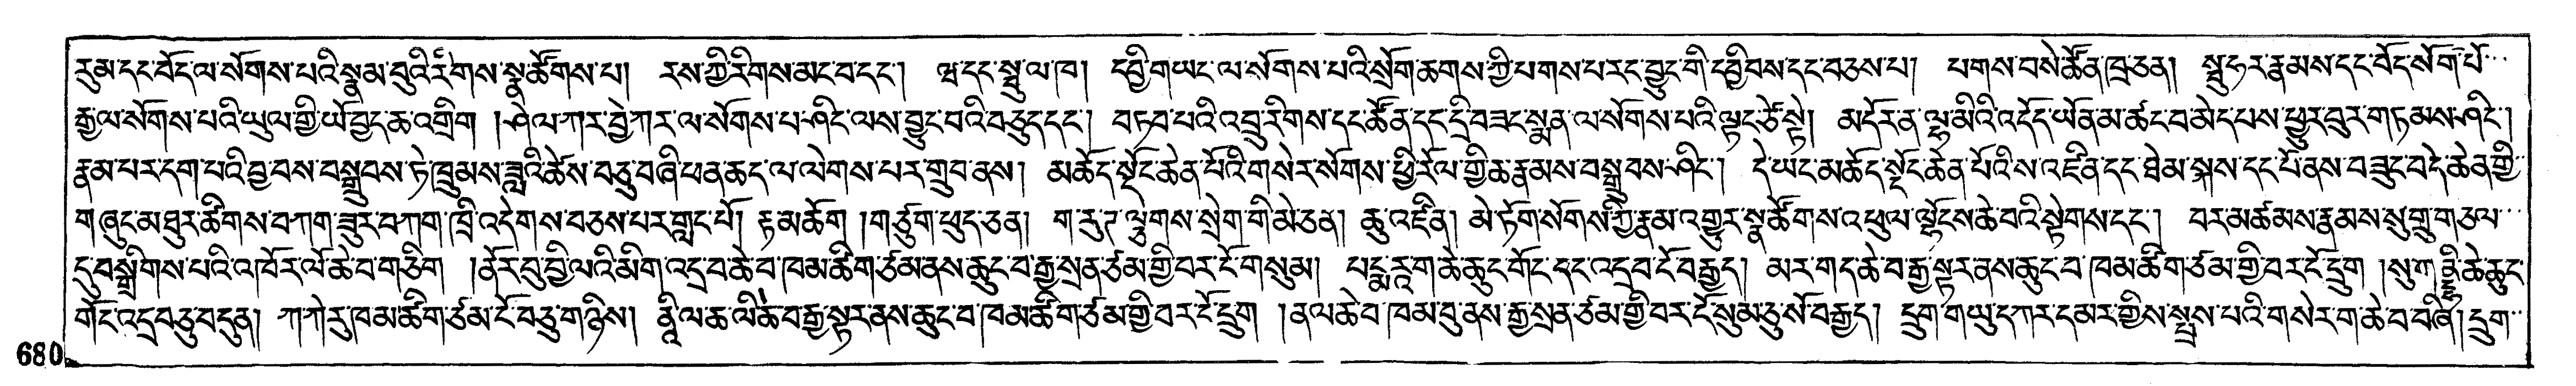རུམ་དང་བོང་ལ་སོགས་པའི་སྣམ་བུའི་རིགས་སྣ་ཚོགས་པ། རས་ཀྱི་རིགས་མང་བ་དང་། ཝ་དང་སྦུ་ལ་ཁ། དབྱི་གཡང་ལ་སོགས་པའི་སྲོག་ཆགས་ཀྱི་པགས་པ་རང་བྱུང་གི་དབྱིབས་དང་བཅས་པ། པགས་བསེ་ཚོན་ཁྲ་ཅན། སྦུ་ཧར་རྣམས་དང་བོད་སོག་པོ་
རྒྱལ་སོགས་བའི་ཡུལ་གྱི་ཡོ་བྱད་ཆ་འགྲིག །ཤེལ་ཀར་བྱེ་ཀར་ལ་སོགས་བ་ཤིང་ལས་བྱུང་བའི་བཅུད་དང་། བཏབ་པའི་འབྲུ་རིགས་དང་ཚོན་དང་དྲི་བཟང་སྨན་ལ་སོགས་པའི་ལྟང་ཙེ་སྟེ། མདོར་ན་ལྷ་མིའི་འདོད་ཡོན་མ་ཚང་བ་མེད་པས་ཕྱུར་བུར་གཏམས་ཤིང་།
རྣམ་པར་དག་པའི་བྱ་བས་བསྒྲུབས་ཏེ་ཁྲུམས་ཟླའི་ཚེས་བཅུ་བཞི་ཕན་ཆད་ལ་ལེགས་པར་གྲུབ་ནས། མཆོད་སྡོང་ཆེན་པོའི་གསེར་སོགས་ཕྱི་རོལ་གྱི་ཆ་རྣམས་བསྒྲུབས་ཤིང་། དེ་ཡང་མཆོད་སྡོང་ཆེན་པོའི་ས་འཇིན་དང་ཐེམ་སྐས་དང་པོ་ནས་བཟུང་བད་ཆེན་གྱི་
གཞུང་མཐུར་ཚིགས་བཀག་ཟུར་བཀག་ཁྲི་འདེགས་བཅས་བར་གླང་པོ། རྟ་མཆོག །གཙུག་ཕུད་ཅན། ག་རུ་ཌ་ལྕགས་སྲེག་གི་མེ་ཅན། ཆུ་འཛིན། མེ་ཏོག་སོགས་ཀྱི་རྣམ་འགྱུར་སྣ་ཚོགས་འཕུལ་ལྷོངས་ཆེ་བའི་སྟེགས་དང་། བར་མཚམས་རྣམས་སུ་གྲུ་གཅལ་
དུ་བསྒྲིགས་པའི་འཁོར་ལོ་ཆེ་བ་གཅིག །ནོར་བུ་བྱི་ལའི་མིག་འདྲ་བ་ཆེ་བ་ཁམ་ཚིག་ཙམ་ནས་ཆུང་བ་རྒྱ་སྲན་ཙམ་གྱི་བར་ངོ་གསུམ། པདམ་རཱ་ག་ཆེ་ཆུང་གོང་དང་འདྲ་བ་ངོ་བརྒྱད། མར་གང་ཆེ་བ་རྒྱ་སྟར་ནས་ཆུང་བ་ཁམ་ཚིག་ཙམ་གྱི་བར་ངོ་དྲུག །སུ་གནྡྷི་ཆེ་ཆུང་
གོང་འདྲ་བཅུ་བདུན། ཀ་ཀེ་རུ་ཁམ་ཚིག་ཙམ་ངོ་བཅུ་གཉིས། ནཱི་ལ་ཆེ་ལི་ཆེ་བརྒྱ་སྟར་ནས་ཆུང་བ་ཁམ་ཚིག་ཙམ་གྱི་བར་ངོ་དྲུག །ནལ་ཆེ་བ་ཁམ་བུ་ནས་རྒྱ་སྲན་ཙམ་གྱི་བར་ངོ་སུམ་ཅུ་སོ་བརྒྱད། དྲུག་གཡུ་དཀར་དམར་གྱིས་སྤྲས་པའི་གསེར་ག་ཆེ་བ་བཞི། དྲུག་